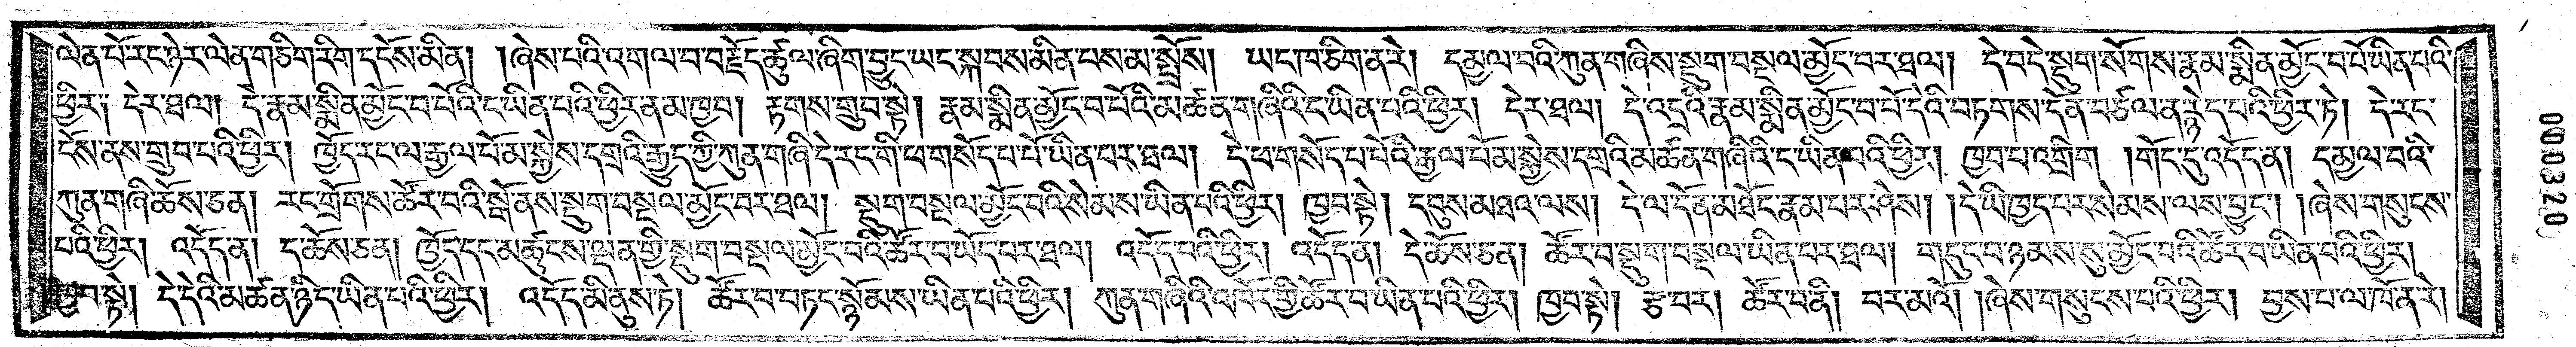ལེན་པོ་རང་ཉེར་ལེན་གཅིག་རིག་དངོས་མིན། །ཞེས་པའི་འགལ་བ་བརྗོད་ཚུལ་ཞིག་བྱུང་ཡང་སྐབས་མིན་པས་མ་སྤྲོས། ཡང་ཁ་ཅིག་ན་རེ། དམྱལ་བའི་ཀུན་གཞིས་སྡུག་བསྔལ་མྱོང་བར་ཐལ། དེ་བདེ་སྡུག་སོགས་རྣམ་སྨིན་མྱོང་བ་པོ་ཡིན་པའི་
ཕྱིར༑ དེར་ཐལ། དེ་རྣམ་སྨིན་མྱོང་བ་པོའི་ང་ཡིན་པའི་ཕྱིར་ན་མ་ཁྱབ། རྟགས་གྲུབ་སྟེ། རྣམ་སྨིན་མྱོང་བ་པོའི་མཚན་གཞིའི་ང་ཡིན་པའི་ཕྱིར། དེར་ཐལ། དེ་འདྲའི་རྣམ་སྨིན་མྱོང་བ་པོ་དེའི་བཏགས་དོན་བཙལ་ན་རྙེད་པའི་ཕྱིར་ཏེ། དེ་རང་
ངོས་ནས་གྲུབ་པའི་ཕྱིར། ཁྱོད་རང་ལ་རྒྱལ་པོ་མ་སྐྱེས་དགྲའི་རྒྱུད་ཀྱི་ཀུན་གཞི་དེ་རང་གི་ཕ་གསོད་པ་པོ་ཡིན་པར་ཐལ། དེ་ཕ་གསོད་པ་པོའི་རྒྱལ་པོ་མ་སྐྱེས་དགྲའི་མཚན་གཞིའི་ང་ཡིན་པའི་ཕྱིར། ཁྱབ་པ་འགྲིག །གོང་དུ་འདོད་ན། དམྱལ་བའི་
ཀུན་གཞི་ཆོས་ཅན། རང་གྲོགས་ཚོར་བའི་སྒོ་ནས་སྡུག་བསྔལ་མྱོང་བར་ཐལ། སྡུག་བསྔལ་མྱོང་བའི་སེམས་ཡིན་པའི་ཕྱིར། ཁྱབ་སྟེ། དབུས་མཐའ་ལས། དེ་ལ་དོན་མཐོང་རྣམ་པར་ཤེས། །དེ་ཡི་ཁྱད་པར་སེམས་ལས་བྱུང་། །ཞེས་གསུངས་
པའི་ཕྱིར། འདོད་ན། ད་ཆོས་ཅན། ཁྱོད་དང་མཚུངས་ལྡན་གྱི་སྡུག་བསྔལ་མྱོང་བའི་ཚོར་བ་ཡོད་པར་ཐལ། འདོད་པའི་ཕྱིར། འདོད་ན། །དེ་ཆོས་ཅན། ཚོར་བསྡུག་བསྔལ་ཡིན་པར་ཐལ། གདུང་བ་ཉམས་སུ་མྱོང་བའི་ཚོར་བ་ཡིན་པའི་ཕྱིར།
ཁྱབ་སྟེ། དེ་དེའི་མཚན་ཉིད་ཡིན་པའི་ཕྱིར། འདོད་མི་ནུས་ཏེ། ཚོར་བ་བཏང་སྙོམས་ཡིན་པའི་ཕྱིར། ཀུན་གཞིའི་འཁོར་གྱི་ཚོར་བ་ཡིན་པའི་ཕྱིར། ཁྱབ་སྟེ། རྩ་བར། ཚོར་བ་ནི། བར་མའོ། །ཞེས་གསུངས་པའི་ཕྱིར། བྱས་པ་ལ་ཁོ་ན་རེ།